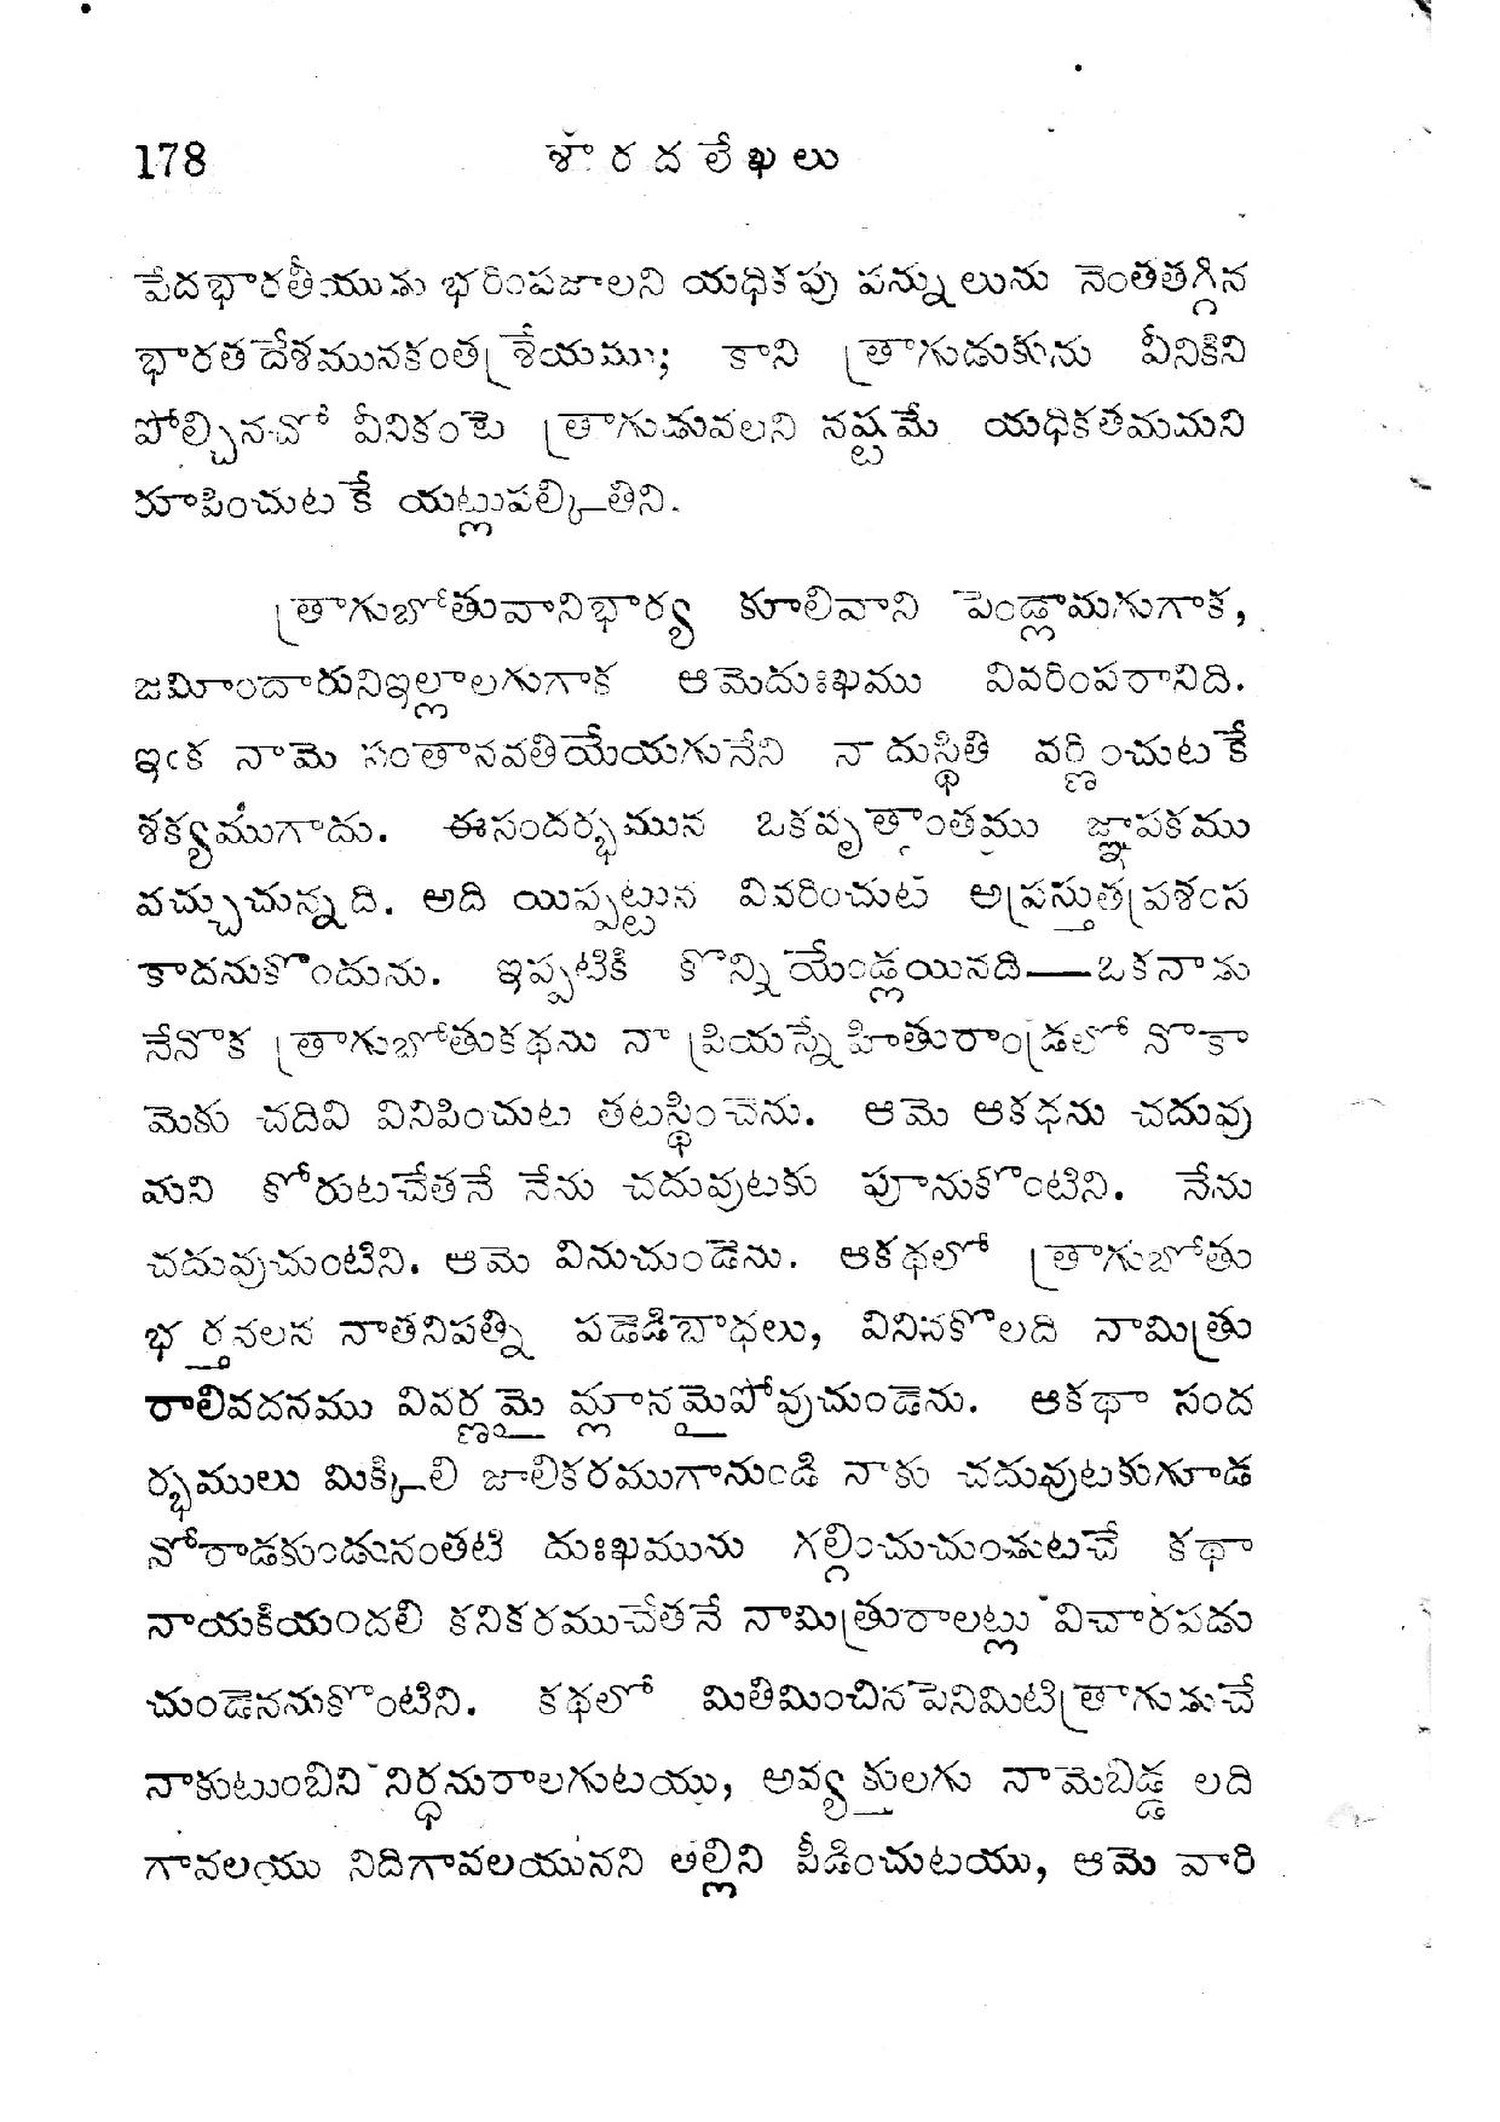పేదభారతీయుడు భరింపజాలని యధికపు పన్నులును నెంతతగ్గిన భారతదేశమునకంతశ్రేయము; కాని త్రాగుడుకును వీనికిని పోల్చినచో వీనికంటె త్రాగుడువలని నష్టమే యధికతమమని రూపించుటకే యట్లుపల్కితిని.

త్రాగుబోతువానిభార్య కూలివాని పెండ్లామగుగాక, జమీందారునిఇల్లాలగుగాక ఆమెదుఃఖము వివరింపరానిది.
ఇఁక నామె సంతానవతియేయగునేని నా దుస్థితి వర్ణించుటకే శక్యముగాదు. ఈసందర్భమున ఒకవృత్తాంతము జ్ఞాపకము వచ్చుచున్నది. అది యిప్పట్టున వివరించుట అప్రస్తుతప్రశంస కాదనుకొందును. ఇప్పటికి కొన్నియేండ్లయినది — ఒకనాడు నేనొక త్రాగుబోతుకథను నా ప్రియస్నేహితురాండ్రలో నొకామెకు చదివి వినిపించుట తటస్థించెను. ఆమె ఆకధను చదువుమని కోరుటచేతనే నేను చదువుటకు పూనుకొంటిని. నేను చదువుచుంటిని. ఆమె వినుచుండెను. ఆకథలో త్రాగుబోతు భర్తవలన నాతనిపత్ని పడెడిబాధలు, వినినకొలది నామిత్రురాలివదనము వివర్ణమై మ్లానమైపోవుచుండెను. ఆకథా సందర్భములు మిక్కిలి జాలికరముగానుండి నాకు చదువుటకుగూడ నోరాడకుండునంతటి దుఃఖమును గల్గించుచుండుటచే కథా
నాయకియందలి కనికరముచేతనే నా మిత్రురాలట్లు విచారపడు చుండెననుకొంటిని. కథలో మితిమించిన పెనిమిటిత్రాగుడుచే నాకుటుంబిని నిర్ధనురాలగుటయు, అవ్యక్తులగు నామెబిడ్డ లదిగావలయు నిదిగావలయునని తల్లిని పీడించుటయు, ఆమె వారి